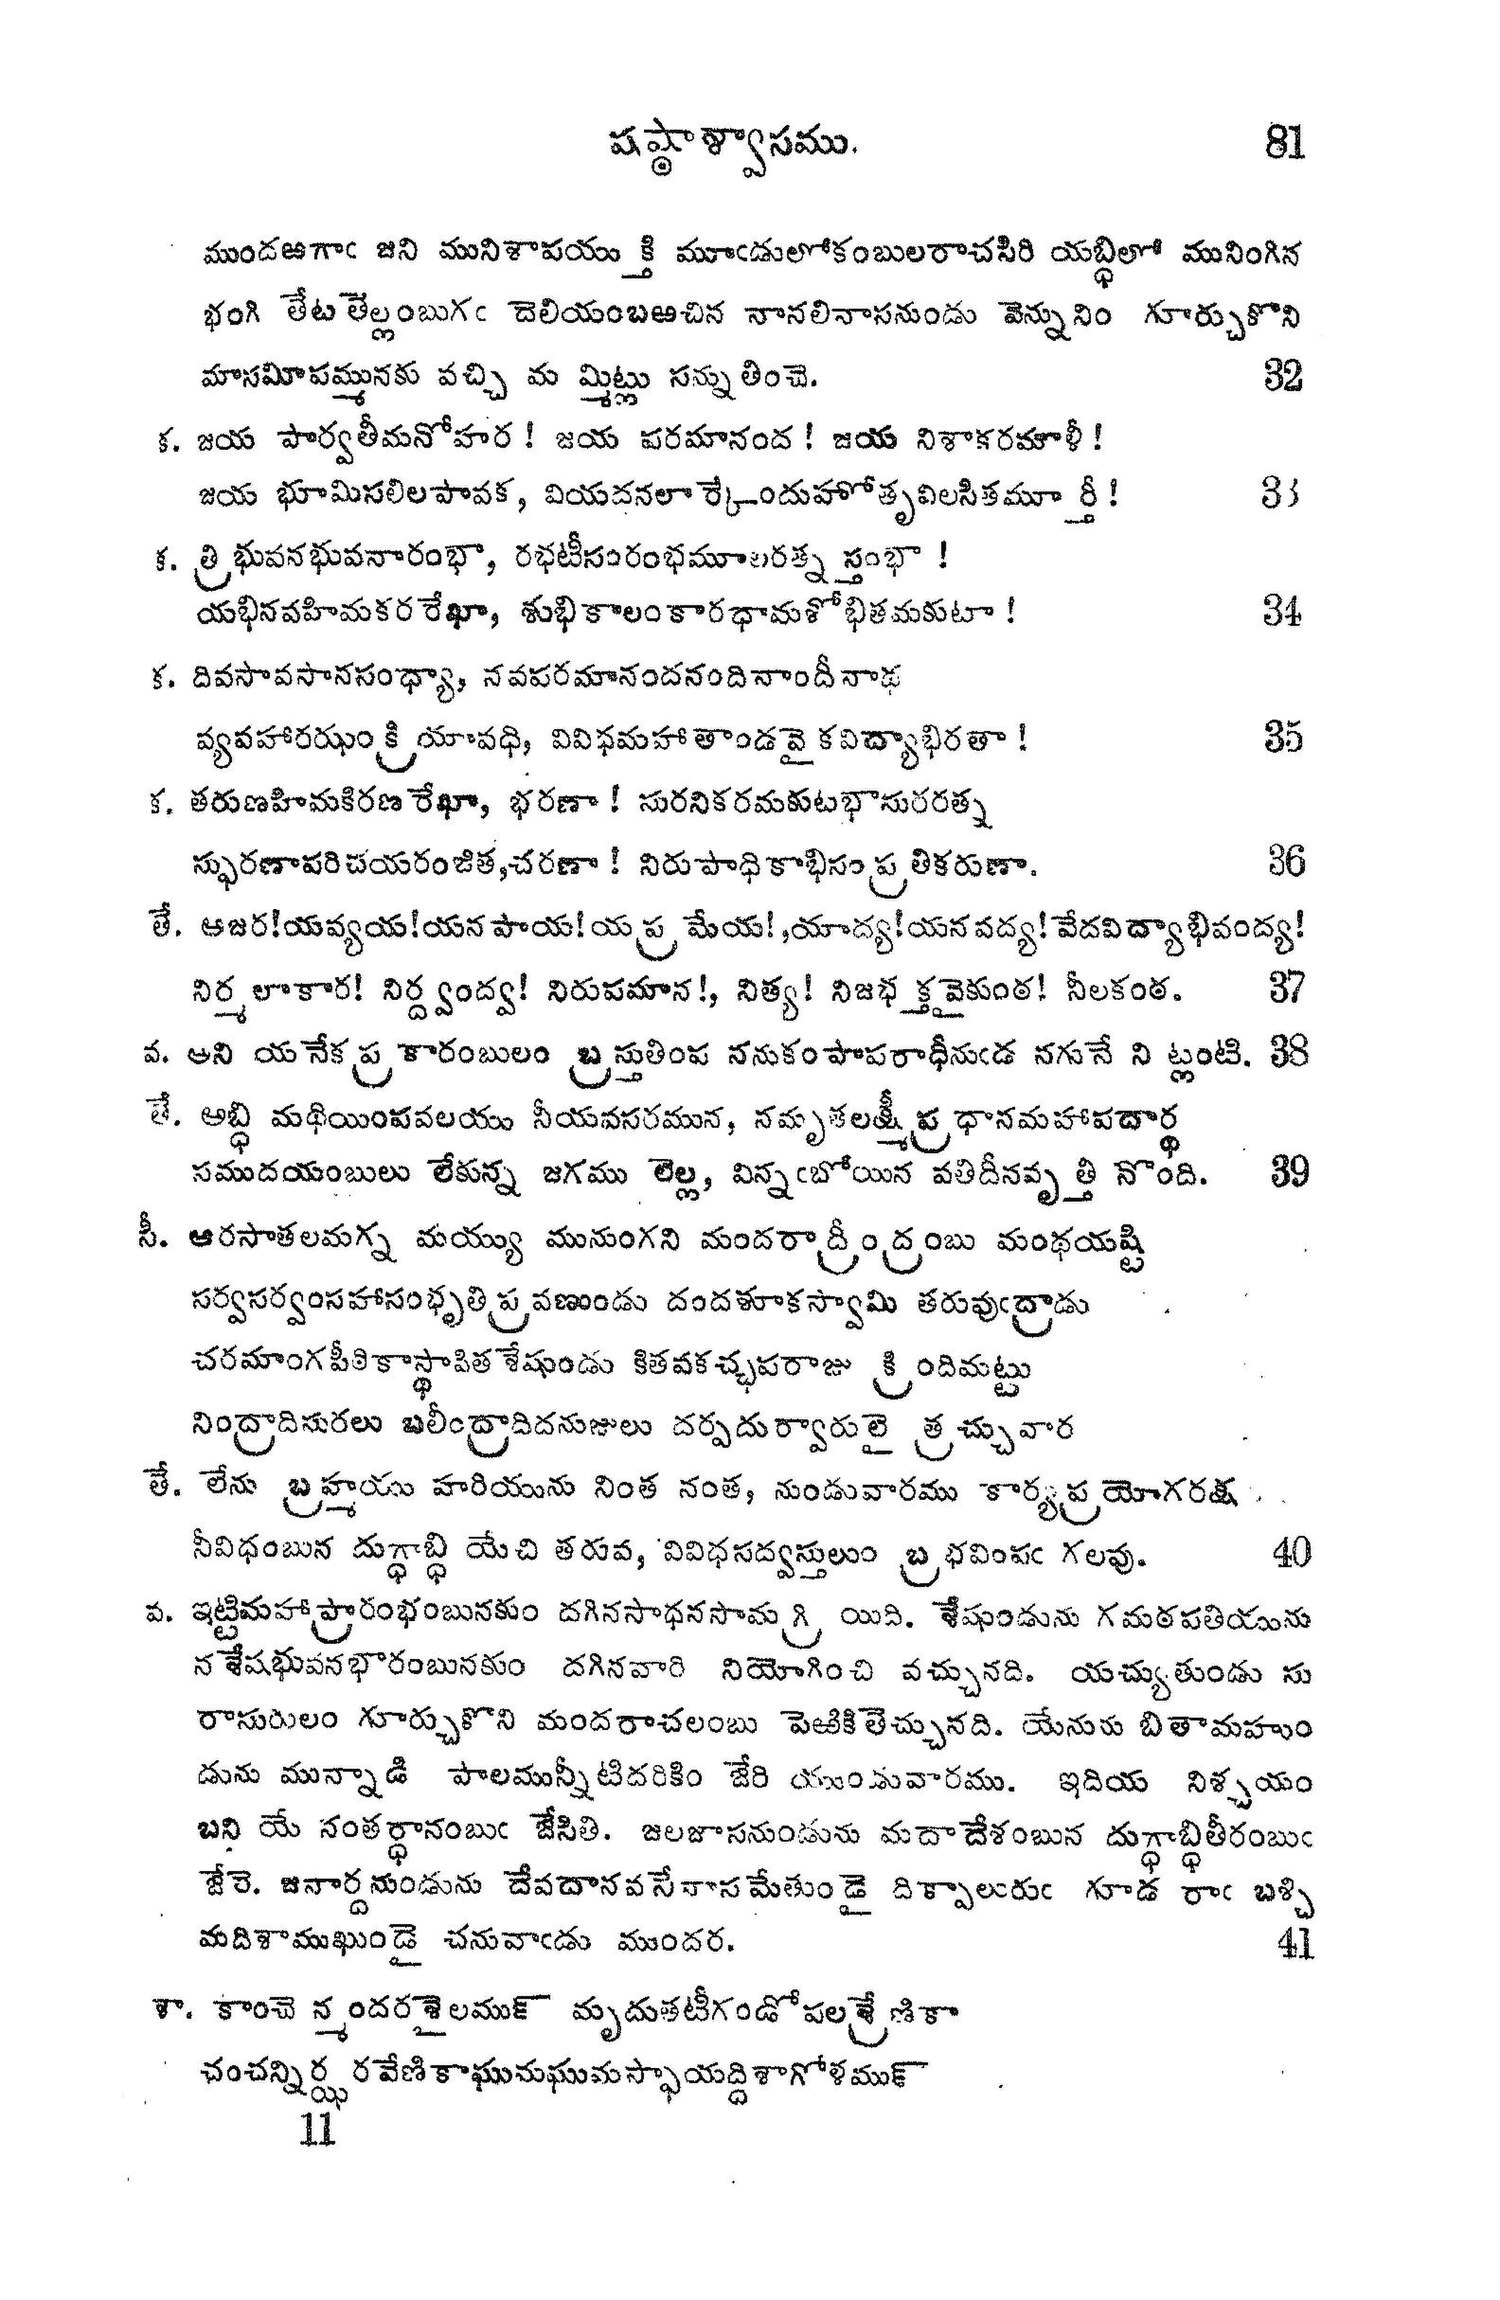ముందఱగాఁ జని మునిశాపయుక్తి మూఁడులోకంబులరాచసిరి యబ్ధిలో మునింగినభంగి తేటతెల్లంబుగఁ దెలియంబఱచిన నానలినాసనుండు వెన్నునిం గూర్చుకొని
మాసమీపమునకు వచ్చి మ మ్మిట్లు సన్నుతించె. 32

క. జయ పార్వతీమనోహర! జయ పరమానంద! జయ నిశాకరమౌళీ!
జయ భూమిసలిలపావక, వియదనలార్కేందుహోతృవిలసితమూర్తీ! 33

క. త్రిభువనభువనారంభా, రభటీసురంభమూలరత్నస్తంభా!
యభినవహిమకరరేఖా, శుభికాలంకారధామశోభితమకుటా! 34

క. దివసావసానసంధ్యా, నవపరమానందనందినాందీనాథ
వ్యవహారఝంక్రియావధి, వివిధమహాతాండవైకవిద్యాభిరతా! 35

క. తరుణహిమకిరణరేఖా, భరణా! సురనికరమకుటభాసురరత్న
స్ఫురణాపరిచయరంజిత,చరణా! నిరుపాధికాభిసంప్రతికరుణా. 36

తే. ఆజర! యవ్యయ! యనపాయ! యప్రమేయ!, యాద్య! యనవద్య! వేదవిద్యాభివంద్య!
నిర్మలాకార! నిర్ద్వంద్వ! నిరుపమాన!, నిత్య! నిజభక్తవైకుంఠ! నీలకంఠ. 37

వ. అని యనేక ప్రకారంబులం బస్తుతింప ననుకంపాపరాధీనుఁడ నగునే ని ట్లంటి. 38

తే. అబ్ధి మథియింపవలయు నీయవసరమున, నమృశలక్ష్మీప్రధానమహాపదార్థ
సముదయంబులు లేకున్న జగము లెల్ల, విన్నఁబోయిన వతిదీనవృత్తి నొంది. 39

సీ. ఆరసాతలమగ్న మయ్యు మునుంగని మందరాద్రీంద్రంబు మంథయష్టి
సర్వసర్వంసహాసంభృతిప్రవణుండు దందశూకస్వామి తరువుఁద్రాడు
చరమాంగపీఠికాస్థాపితశేషుండు కితవకచ్ఛపరాజు క్రిందిమట్టు
నింద్రాదిసురలు బలీంద్రాదిదనుజులు దర్పదుర్వారులై త్రచ్చువార
తే. లేను బ్రహ్మయు హరియును నింత నంత, నుండువారము కార్యప్రయోగరక్ష
నీవిధంబున దుగ్ధాబ్ధి యేచి తరువ, వివిధసద్వస్తులుం బ్రభవింపఁగలవు. 40

వ. ఇట్టి మహా ప్రారంభంబునకుం దగినసాధనసామగ్రి యిది. శేషుండును గమఠపతియును నశేషభువనభారంబునకుం దగినవారి నియోగించి వచ్చునది. యచ్యుతుండు సురాసురులం గూర్చుకొని మందరాచలంబు పెఱికితెచ్చునది. యేనును బితామహుండును మున్నాడి పాలమున్నీటిదరికిం జేరి యుండువారము. ఇదియ నిశ్చయం బని యే నంతర్ధానంబుఁ జేసితి. జలజాసనుండును మదాదేశంబున దుగ్ధాబ్ధితీరంబుఁ జేరె. జనార్దనుండును దేవదానవసేనాసమేతుండై దిక్పాలురుఁ గూడ రాఁ బశ్చిమదిశాముఖుండై చనువాఁడు ముందర. 41

శా. కాంచె న్మందరశైలమున్ మృదుతటీగండోపలశ్రేణికా
చంచన్నిర్జరవేణికాఘుమఘుమస్ఫాయద్దిశాగోళమున్